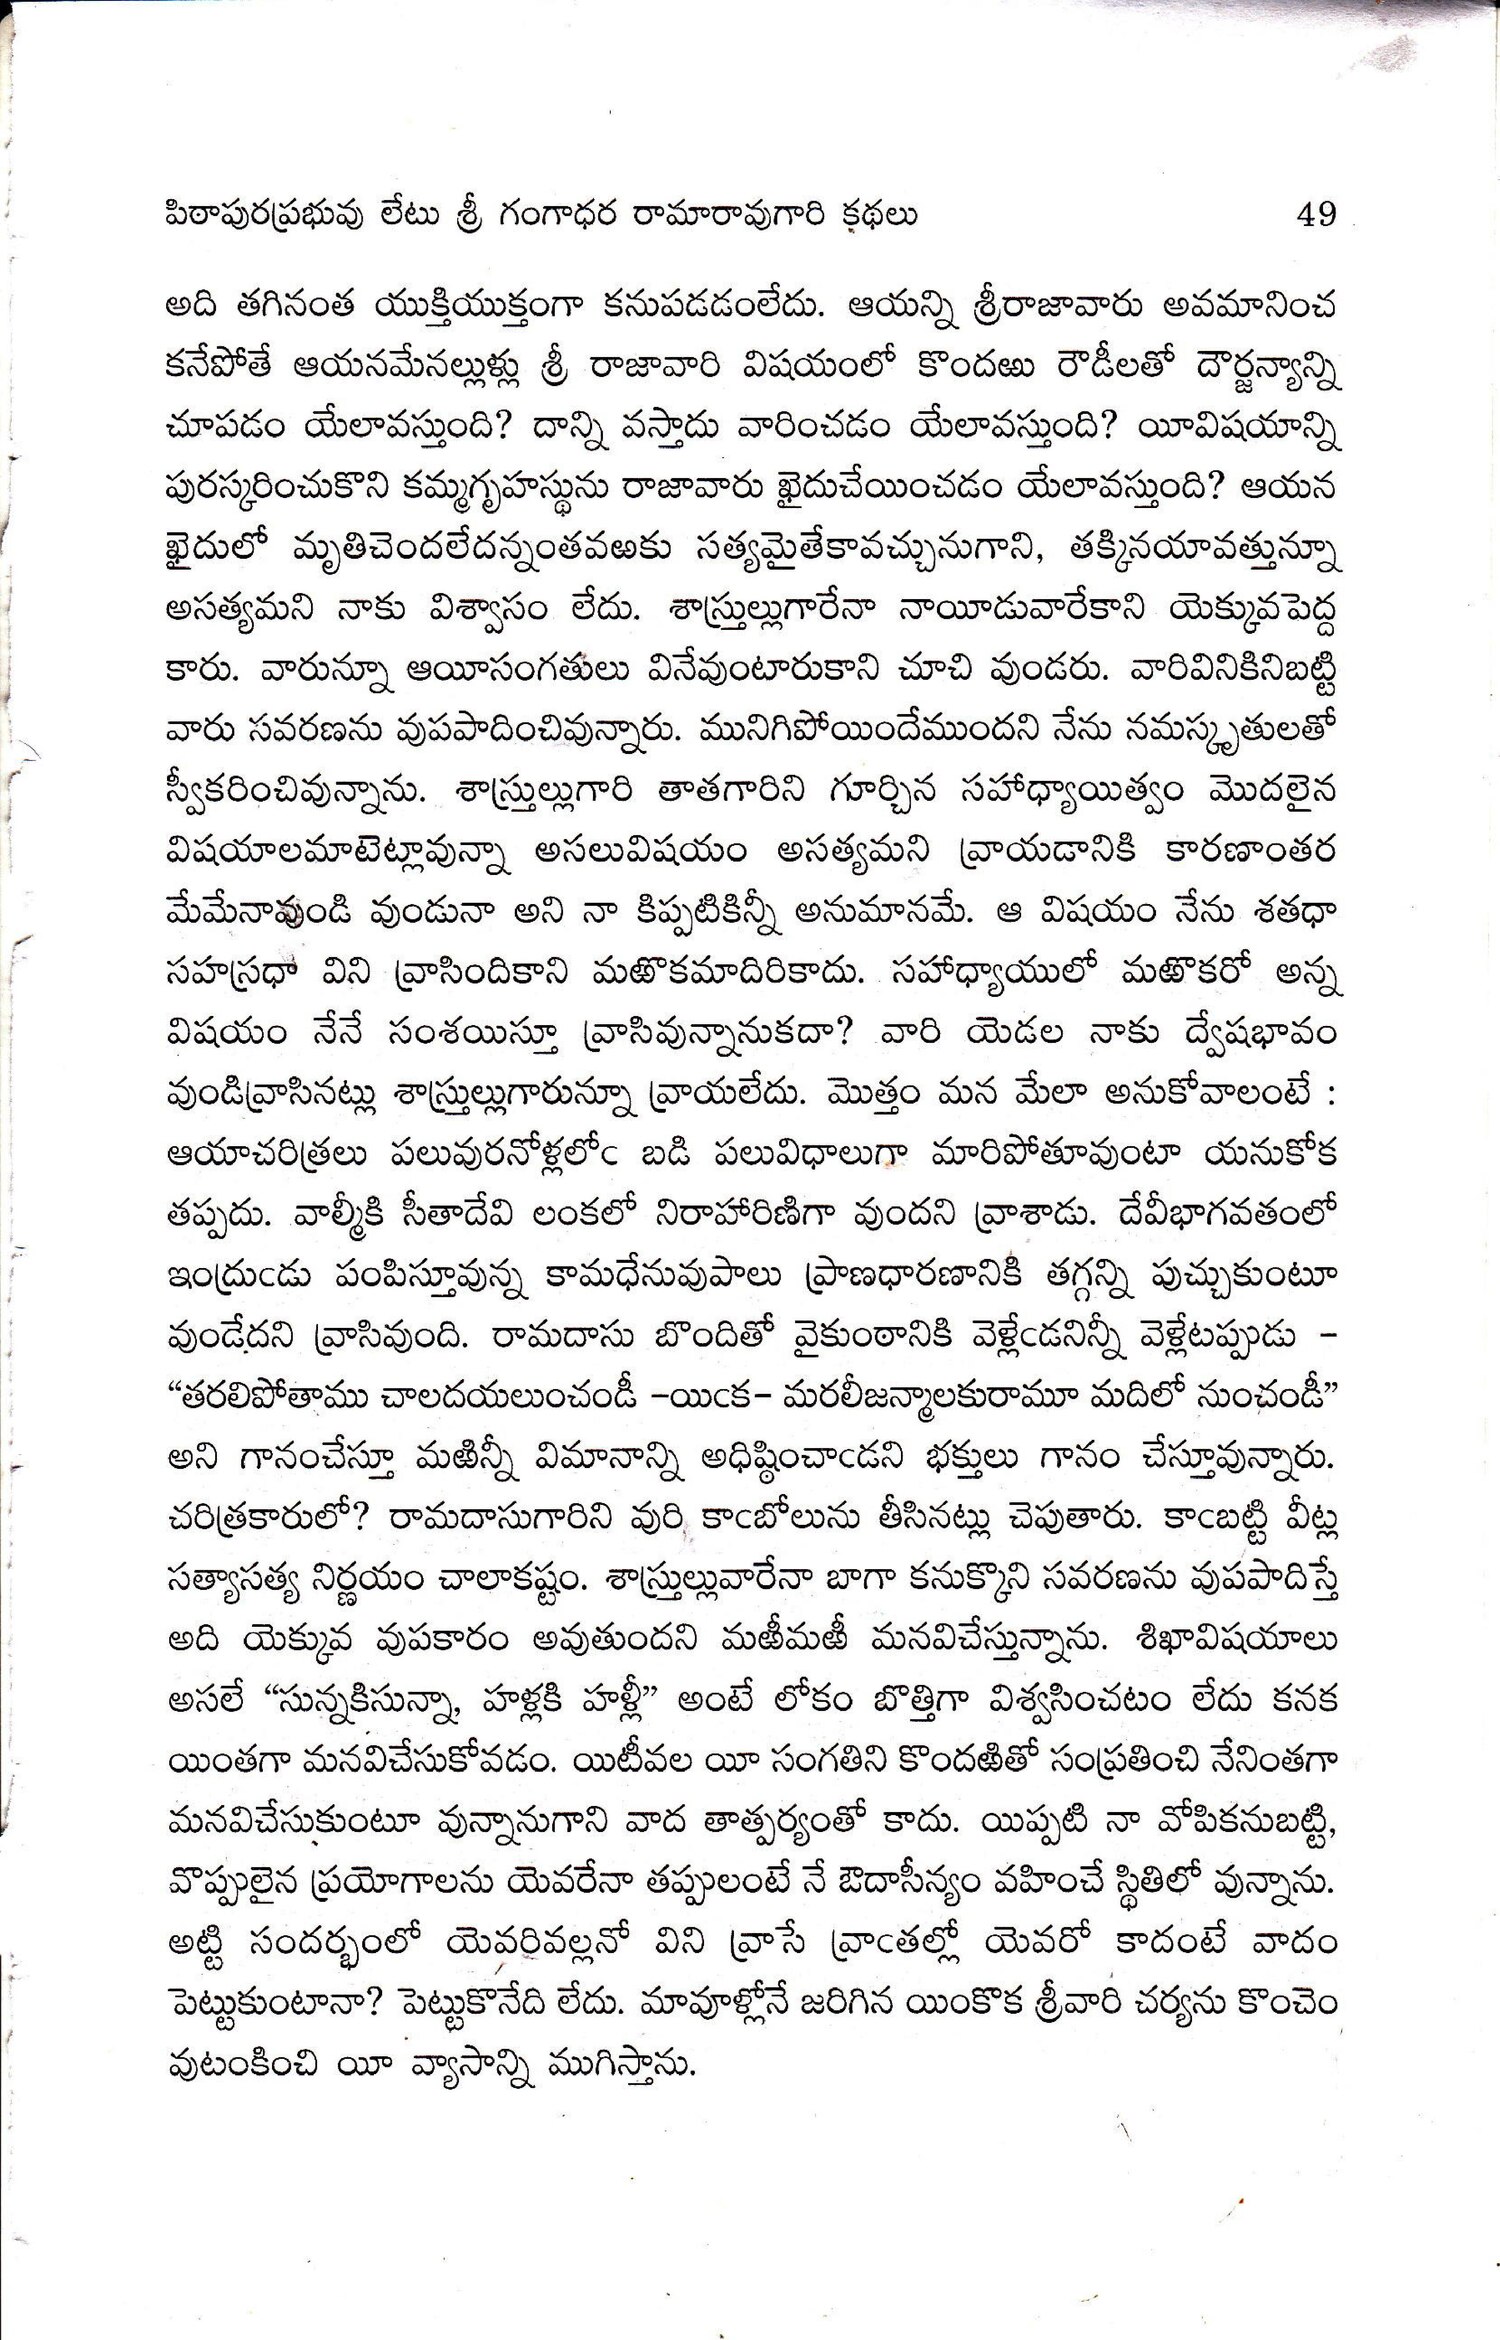అది తగినంత యుక్తియుక్తంగా కనుపడడంలేదు. ఆయన్ని శ్రీరాజావారు అవమానించ కనేపోతే ఆయనమేనల్లుళ్లు శ్రీ రాజావారి విషయంలో కొందఱు రౌడీలతో దౌర్జన్యాన్ని చూపడం యేలావస్తుంది? దాన్ని వస్తాదు వారించడం యేలావస్తుంది? యీవిషయాన్ని పురస్కరించుకొని కమ్మగృహస్టును రాజావారు ఖైదుచేయించడం యేలావస్తుంది? ఆయన ఖైదులో మృతిచెందలేదన్నంతవఱకు సత్యమైతేకావచ్చునుగాని, తక్కినయావత్తున్నూ అసత్యమని నాకు విశ్వాసం లేదు. శాస్రుల్లుగారేనా నాయిడువారేకాని యొక్కువ పెద్ద కారు. వారున్నూ ఆయిరాసంగతులు వినేవుంటారుకాని చూచి వుండరు. వారివినికినిబట్టి వారు సవరణను వుపపాదించివున్నారు. మునిగిపోయిందేముందని నేను నమస్కృతులతో స్వీకరించివున్నాను. శాస్తుల్లుగారి తాతగారిని గూర్చిన సహాధ్యాయిత్వం మొదలైన విషయాలమాటెట్టావున్నా అసలువిషయం అసత్యమని వ్రాయడానికి కారణాంతర మేమేనావుండి వుండునా అని నా కిప్పటికిన్నీ అనుమానమే. ఆ విషయం నేను శతధా సహస్రధా విని వ్రాసిందికాని మటొకమాదిరికాదు. సహాధ్యాయులో మట్టొకరో అన్న విషయం నేనే సంశయిస్తూ వ్రాసివున్నానుకదా? వారి యెడల నాకు ద్వేషభావం వుండి వ్రాసినట్లు శాస్రుల్లుగారున్నూ వ్రాయలేదు. మొత్తం మన మేలా అనుకోవాలంటే : ఆయాచరిత్రలు పలువురనోళ్లలోC బడి పలువిధాలుగా మారిపోతూవుంటా యనుకోక తప్పదు. వాల్మీకి సీతాదేవి లంకలో నిరాహారిణిగా వుందని వ్రాశాడు. దేవీభాగవతంలో ఇంద్రుండు పంపిస్తూవున్న కామధేనువుపాలు ప్రాణధారణానికి తగ్గన్ని పుచ్చుకుంటూ వుండేదని వ్రాసివుంది. రామదాసు బొందితో వైకుంఠానికి వెళ్లేండనిన్నీ వెళ్లేటప్పుడు - "తరలిపోతాము చాలదయలుంచండీ –యింక- మరలీజన్మాలకురామూ మదిలో నుంచండీ" అని గానంచేస్తూ మఱిన్నీ విమానాన్ని అధిష్టించాcడని భక్తులు గానం చేస్తూవున్నారు. చరిత్రకారులో? రామదాసుగారిని వురి కాంబోలును తీసినట్లు చెపుతారు. కాcబట్టి వీట్ల సత్యాసత్య నిర్ణయం చాలాకష్టం. శాస్రుల్లువారేనా బాగా కనుక్కొని సవరణను వుపపాదిస్తే అది యొక్కువ వుపకారం అవుతుందని మటీమణీ మనవిచేస్తున్నాను. శిఖావిషయాలు అసలే “సున్నకిసున్నా హళ్లకి హళ్లీ అంటే లోకం బొత్తిగా విశ్వసించటం లేదు కనక యింతగా మనవిచేసుకోవడం. యిటీవల యీ సంగతిని కొందటితో సంప్రతించి నేనింతగా మనవిచేసుకుంటూ వున్నానుగాని వాద తాత్పర్యంతో కాదు. యిప్పటి నా వోపికనుబట్టి, వొప్పలైన ప్రయోగాలను యెవరేనా తప్పలంటే నే ఔదాసీన్యం వహించే స్థితిలో వున్నాను. అట్టి సందర్భంలో యెవరివల్లనో విని వ్రాసే వ్రాంతల్లో యెవరో కాదంటే వాదం పెట్టుకుంటానా? పెట్టుకొనేది లేదు. మావూల్లోనే జరిగిన యింకొక శ్రీవారి చర్యను కొంచెం వుటంకించి యీ వ్యాసాన్ని ముగిస్తాను.